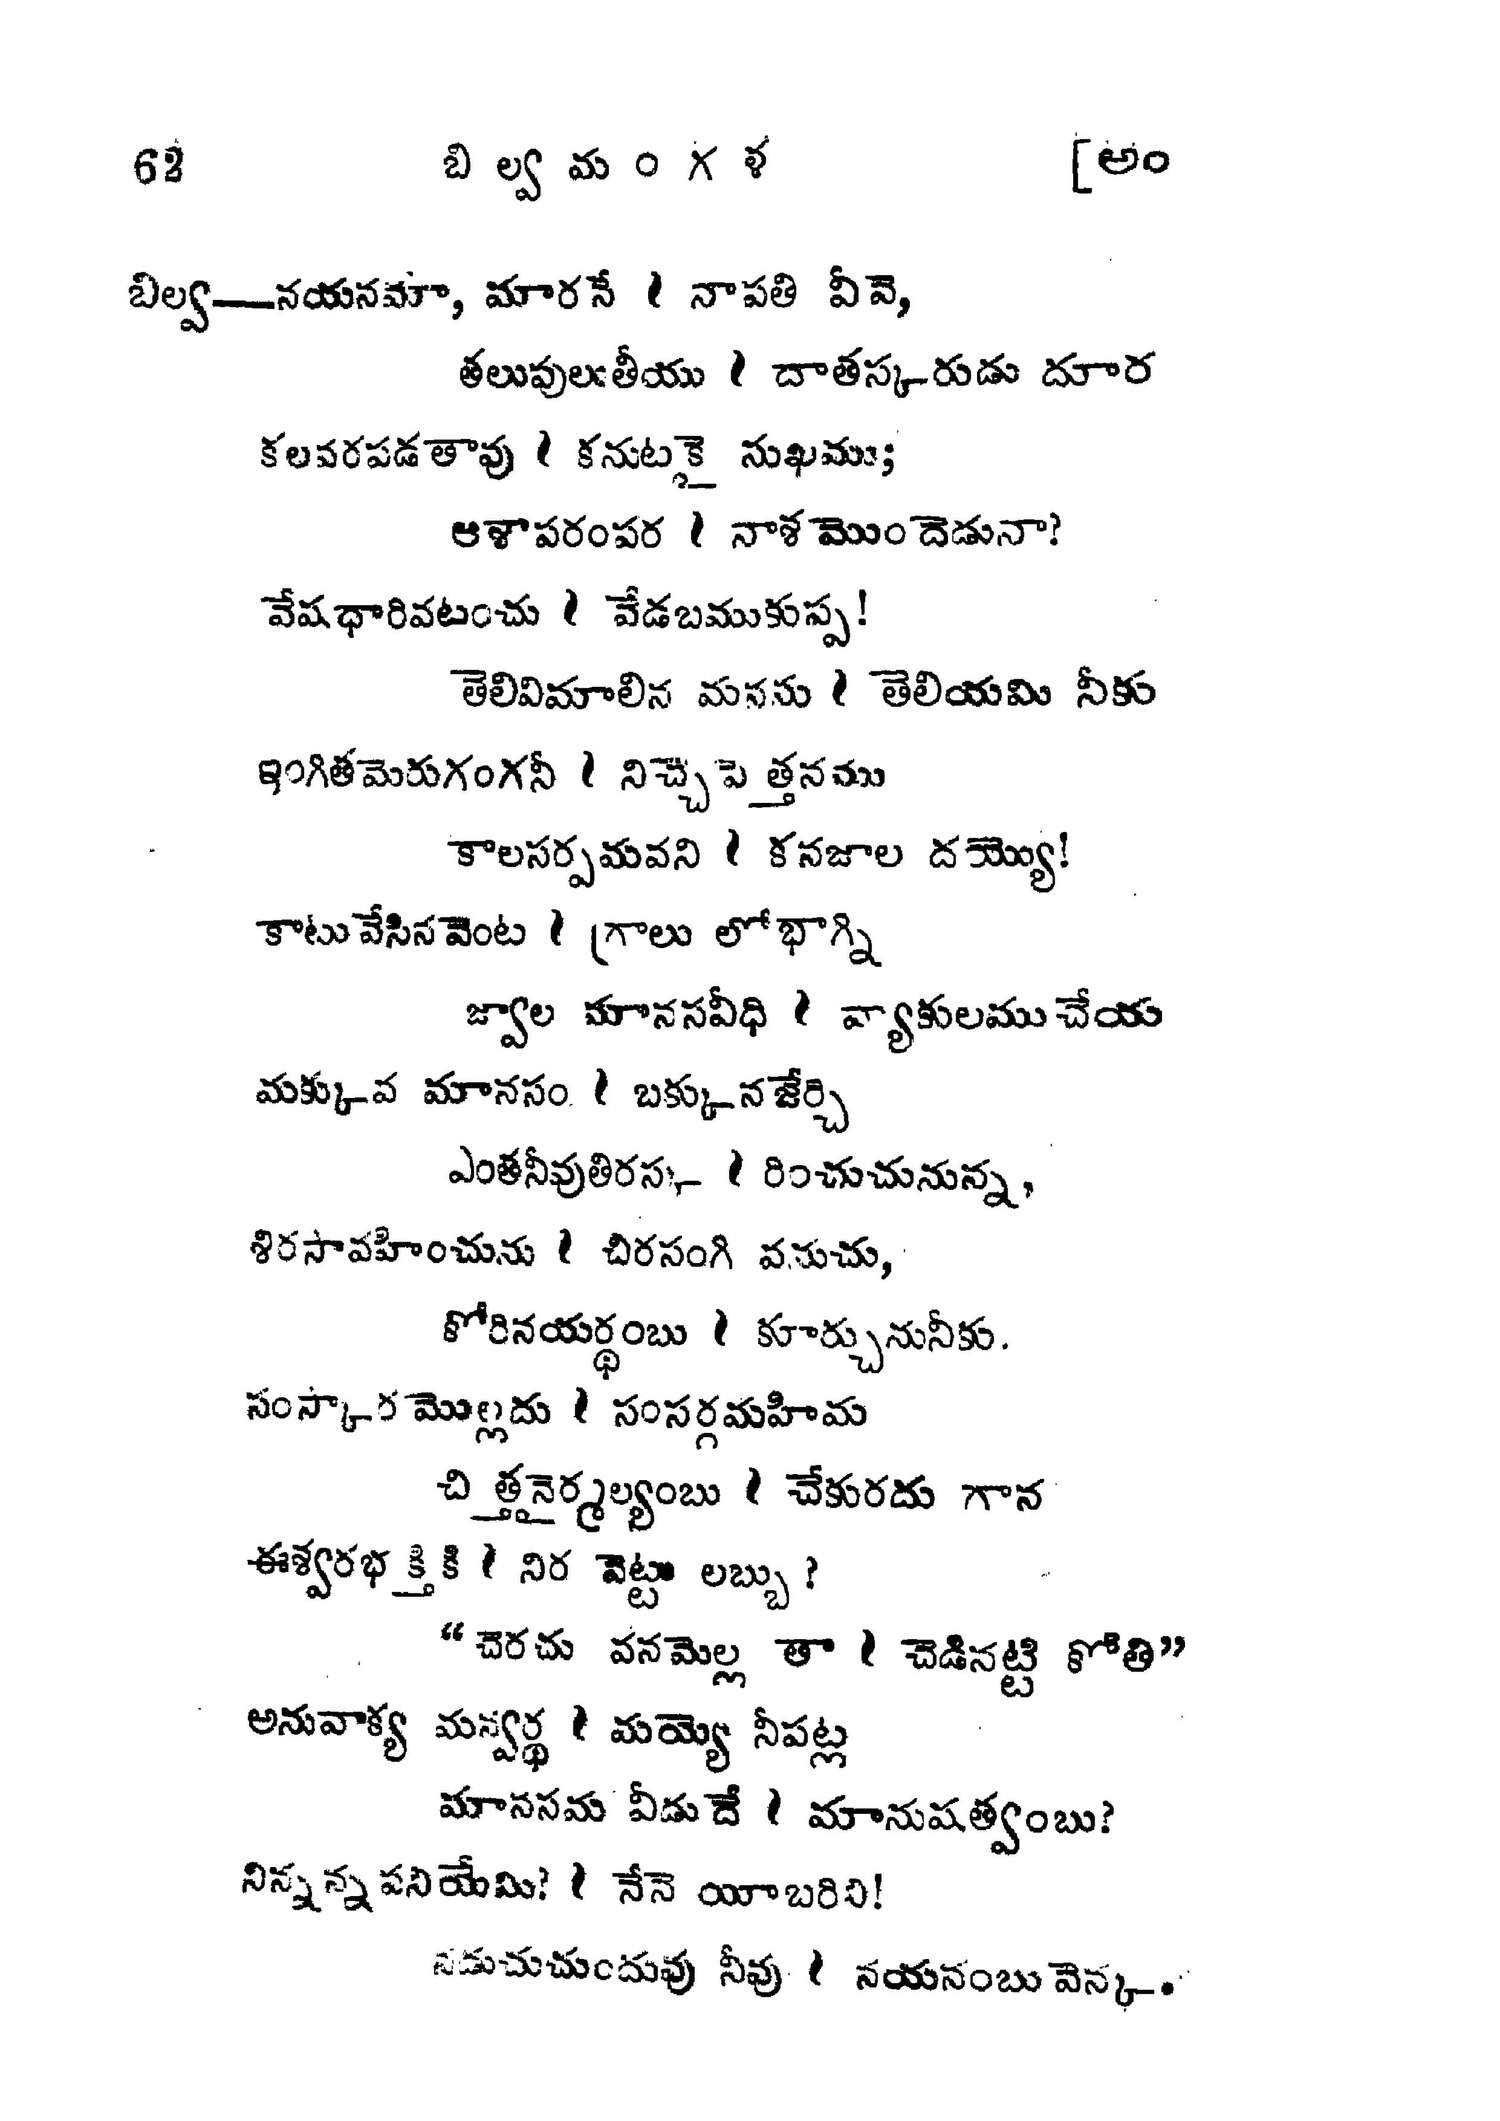బిల్వ - నయనమా, మారనే ♦ నాపతి వీవె,
 తలుపులుతీయు ♦ దాతస్కరుడు దూర
 కలవరపడతావు ♦ కనుటకై సుఖము;
 ఆశాపరంపర ♦ నాశమొందెడునా?
 వేషధారివటంచు ♦ వేడబముకుప్ప!
 తెలివిమాలిన మనసు ♦ తెలియమి నీకు
 ఇంగితమెరుగంగనీ ♦ నిచ్చెపెత్తనము
 కాలసర్పమవని ♦ కనజాల దయ్యొ!
 కాటువేసినవెంట ♦ గ్రాలు లోభాగ్ని
 జ్వాల మానసవీధి ♦ వ్యాకులముచేయ
 మక్కువ మానసం ♦ బక్కునజేర్చి
 ఎంతనీవుతిరస్క ♦ రించుచునున్న.
 శిరసావహించును ♦ చిరసంగి వనుచు,
 కోరినయర్థంబు ♦ కూర్చునునీకు
 సంస్కారమొల్లదు ♦ సంసర్గమహిమ
 చిత్తనైర్మల్యంబు ♦ చేకురదు గాన
 ఈశ్వరభక్తికి ♦ నిర వెట్టు లబ్బు ?
 "చెరచు వనమెల్ల తా ♦ చెడినట్టి కోతి"
 అనువాక్య మన్వర్థ ♦ మయ్యె నీపట్ల
 మానసమ వీడుదే ♦ మానుషత్వంబు?
 నిన్నన్న పనియేమి? ♦ నేనె యీబరిని!
 నడుచుచుందువు నీవు ♦ నయనంబువెన్క.